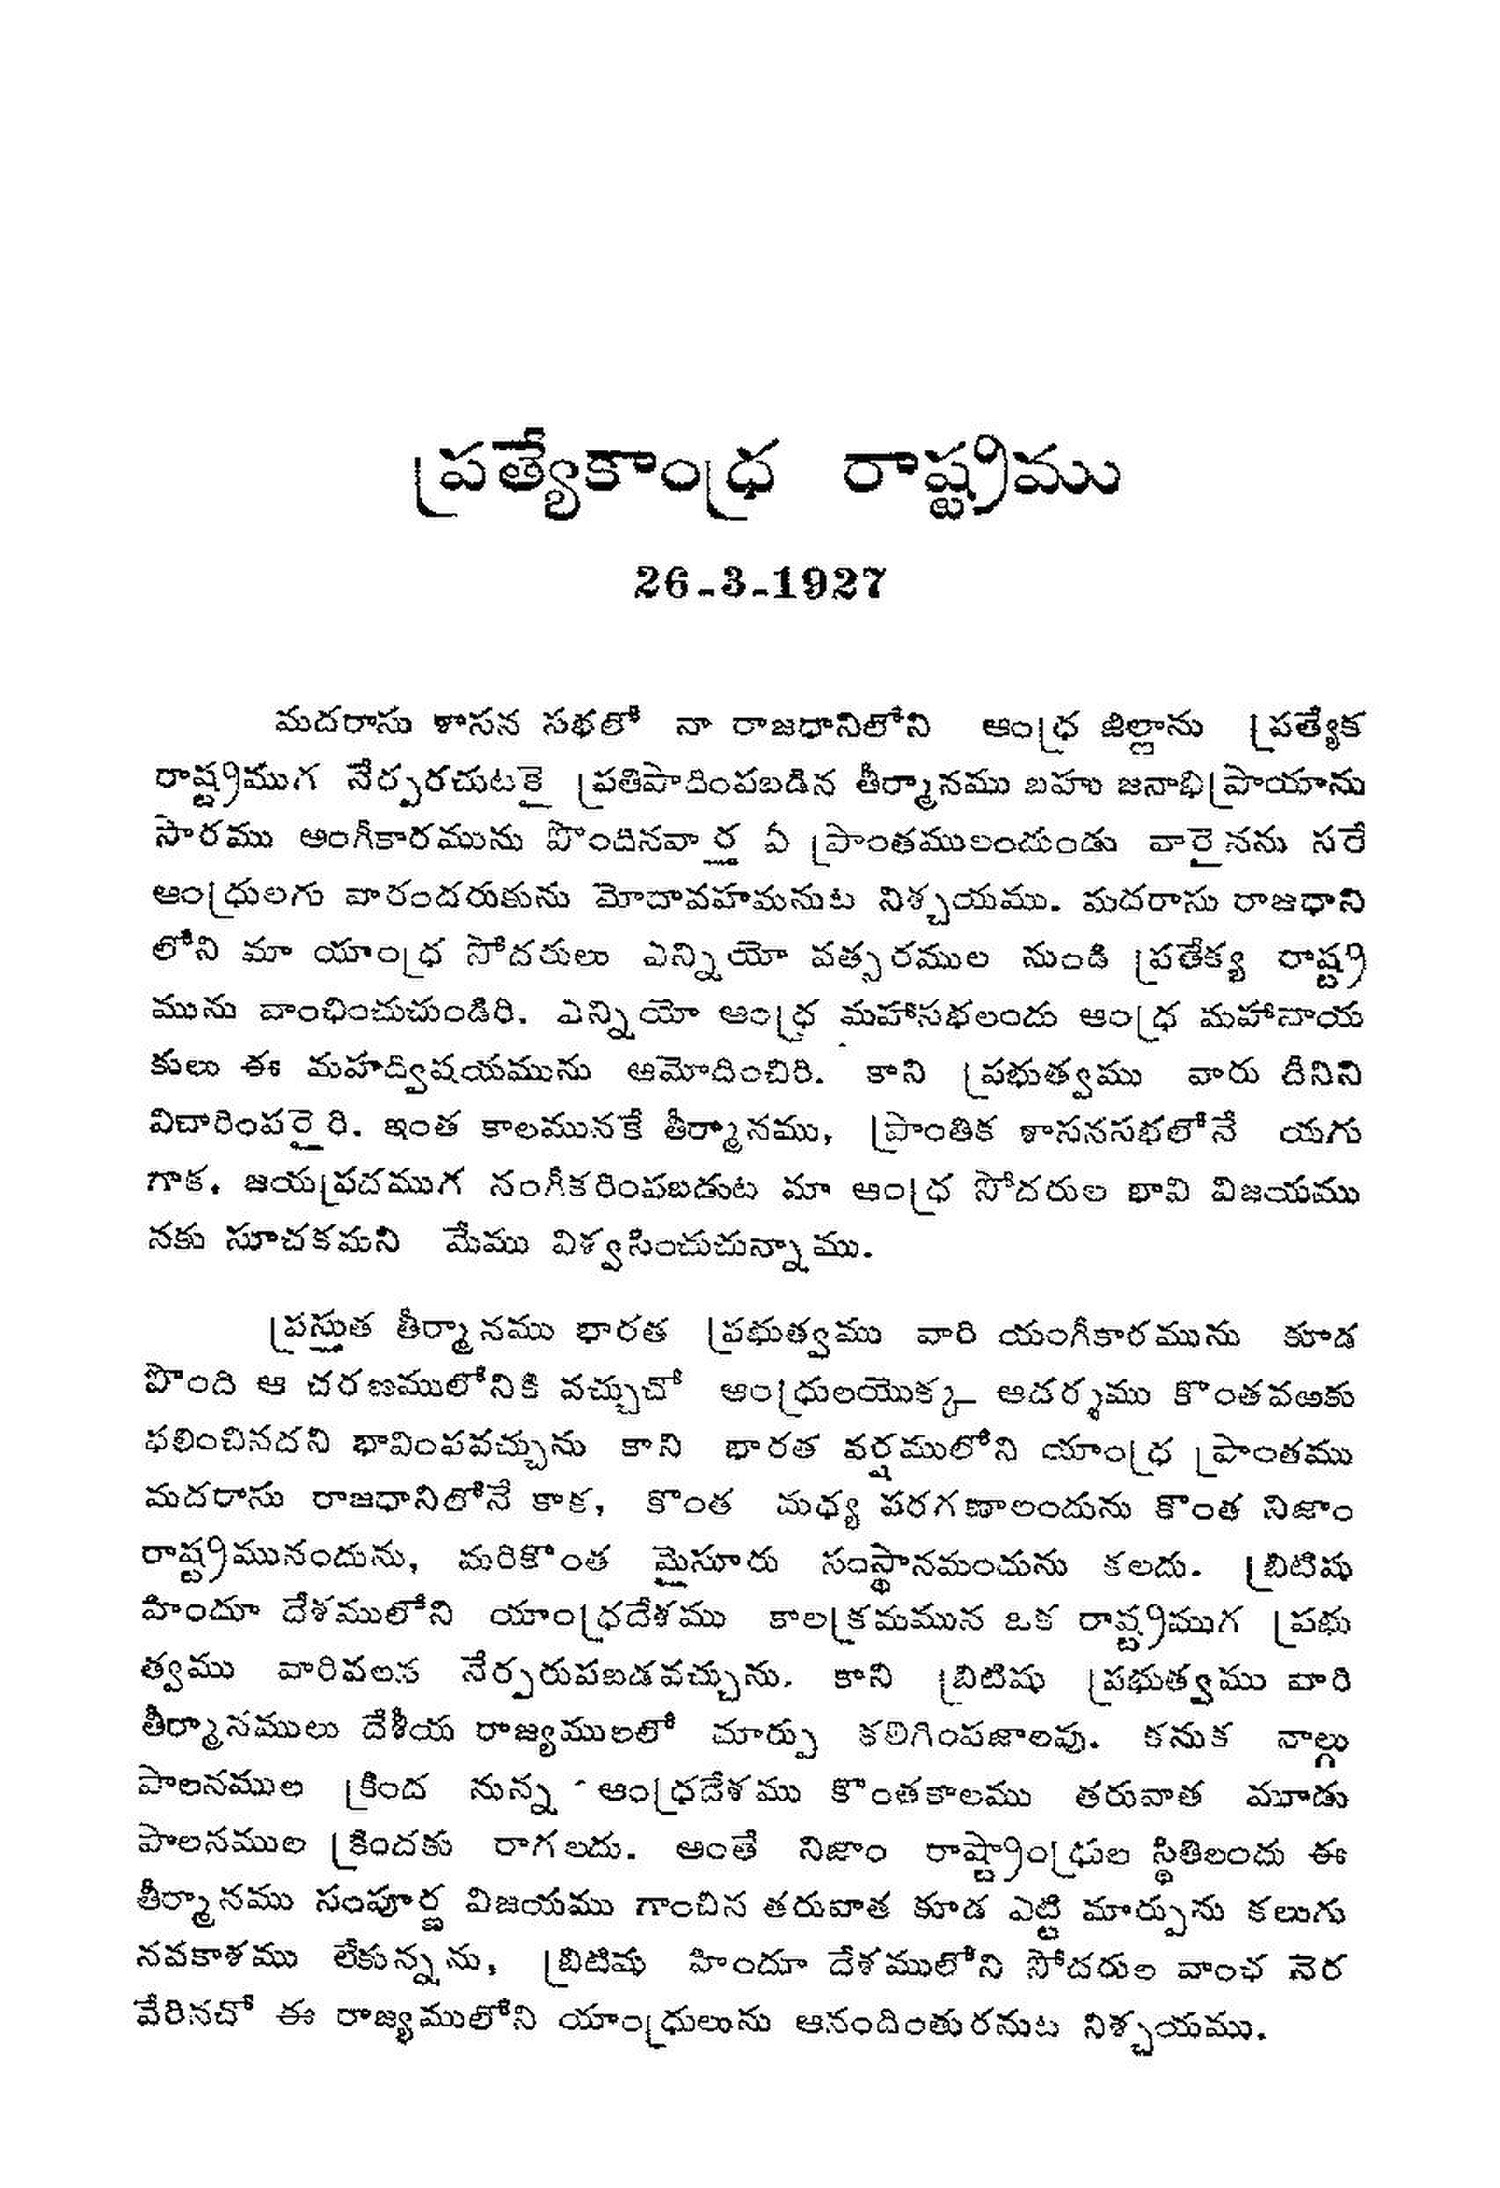ప్రత్యేకాంధ్ర రాష్ట్రము

26-3-1927

మదరాసు శాసన సభలో నా రాజధానిలోని ఆంధ్ర జిల్లాను ప్రత్యేకరాష్ట్రముగ నేర్పరచుటకై ప్రతిపాదింపబడిన తీర్మానము బహు జనాభిప్రాయానుసారము అంగీకారమును పొందినవార్త ఏ ప్రాంతములందుండు వారైనను సరే
ఆంధ్రులగు వారందరుకును మోదావహమనుట నిశ్చయము. మదరాసు రాజధానిలోని మా యాంధ్ర సోదరులు ఎన్నియో వత్సరముల నుండి ప్రతేక్య రాష్ట్రమును వాంఛించుచుండిరి. ఎన్నియో ఆంధ్ర మహాసభలందు ఆంధ్ర మహానాయకులు ఈ మహద్విషయమును ఆమోదించిరి. కాని ప్రభుత్వము వారు దీనిని విచారింపరైరి. ఇంత కాలమునకే తీర్మానము, ప్రాంతిక శాసనసభలోనే యగుగాక, జయప్రదముగ నంగీకరింపబడుట మా ఆంధ్ర సోదరుల భావి విజయమునకు సూచకమని మేము విశ్వసించుచున్నాము.

ప్రస్తుత తీర్మానము భారత ప్రభుత్వము వారి యంగీకారమును కూడ పొంది ఆ చరణములోనికి వచ్చుచో ఆంధ్రులయొక్క ఆదర్శము కొంతవఱకు ఫలించినదని భావింపవచ్చును కాని భారత వర్షములోని యాంధ్ర ప్రాంతము మదరాసు రాజధానిలోనే కాక, కొంత మధ్య పరగణాలందును కొంత నిజాం రాష్ట్రమునందును, మరికొంత మైసూరు సంస్థానమందును కలదు. బ్రిటిషు హిందూ దేశములోని యాంధ్రదేశము కాలక్రమమున ఒక రాష్ట్రముగ ప్రభుత్వము వారివలన నేర్పరుపబడవచ్చును. కాని బ్రిటిషు ప్రభుత్వము వారి తీర్మానములు దేశీయ రాజ్యములలో మార్పు కలిగింపజాలవు. కనుక నాల్గు పాలనముల క్రింద నున్న ఆంధ్రదేశము కొంతకాలము తరువాత మూడు పాలనముల క్రిందకు రాగలదు. అంతే నిజాం రాష్ట్రాంధ్రుల స్థితిలందు ఈ తీర్మానము సంపూర్ణ విజయము గాంచిన తరువాత కూడ ఎట్టి మార్పును కలుగు నవకాశము లేకున్నను, బ్రిటిష్ హిందూ దేశములోని సోదరుల వాంఛ నెరవేరినచో ఈ రాజ్యములోని యాంధ్రులును ఆనందింతురనుట నిశ్చయము.